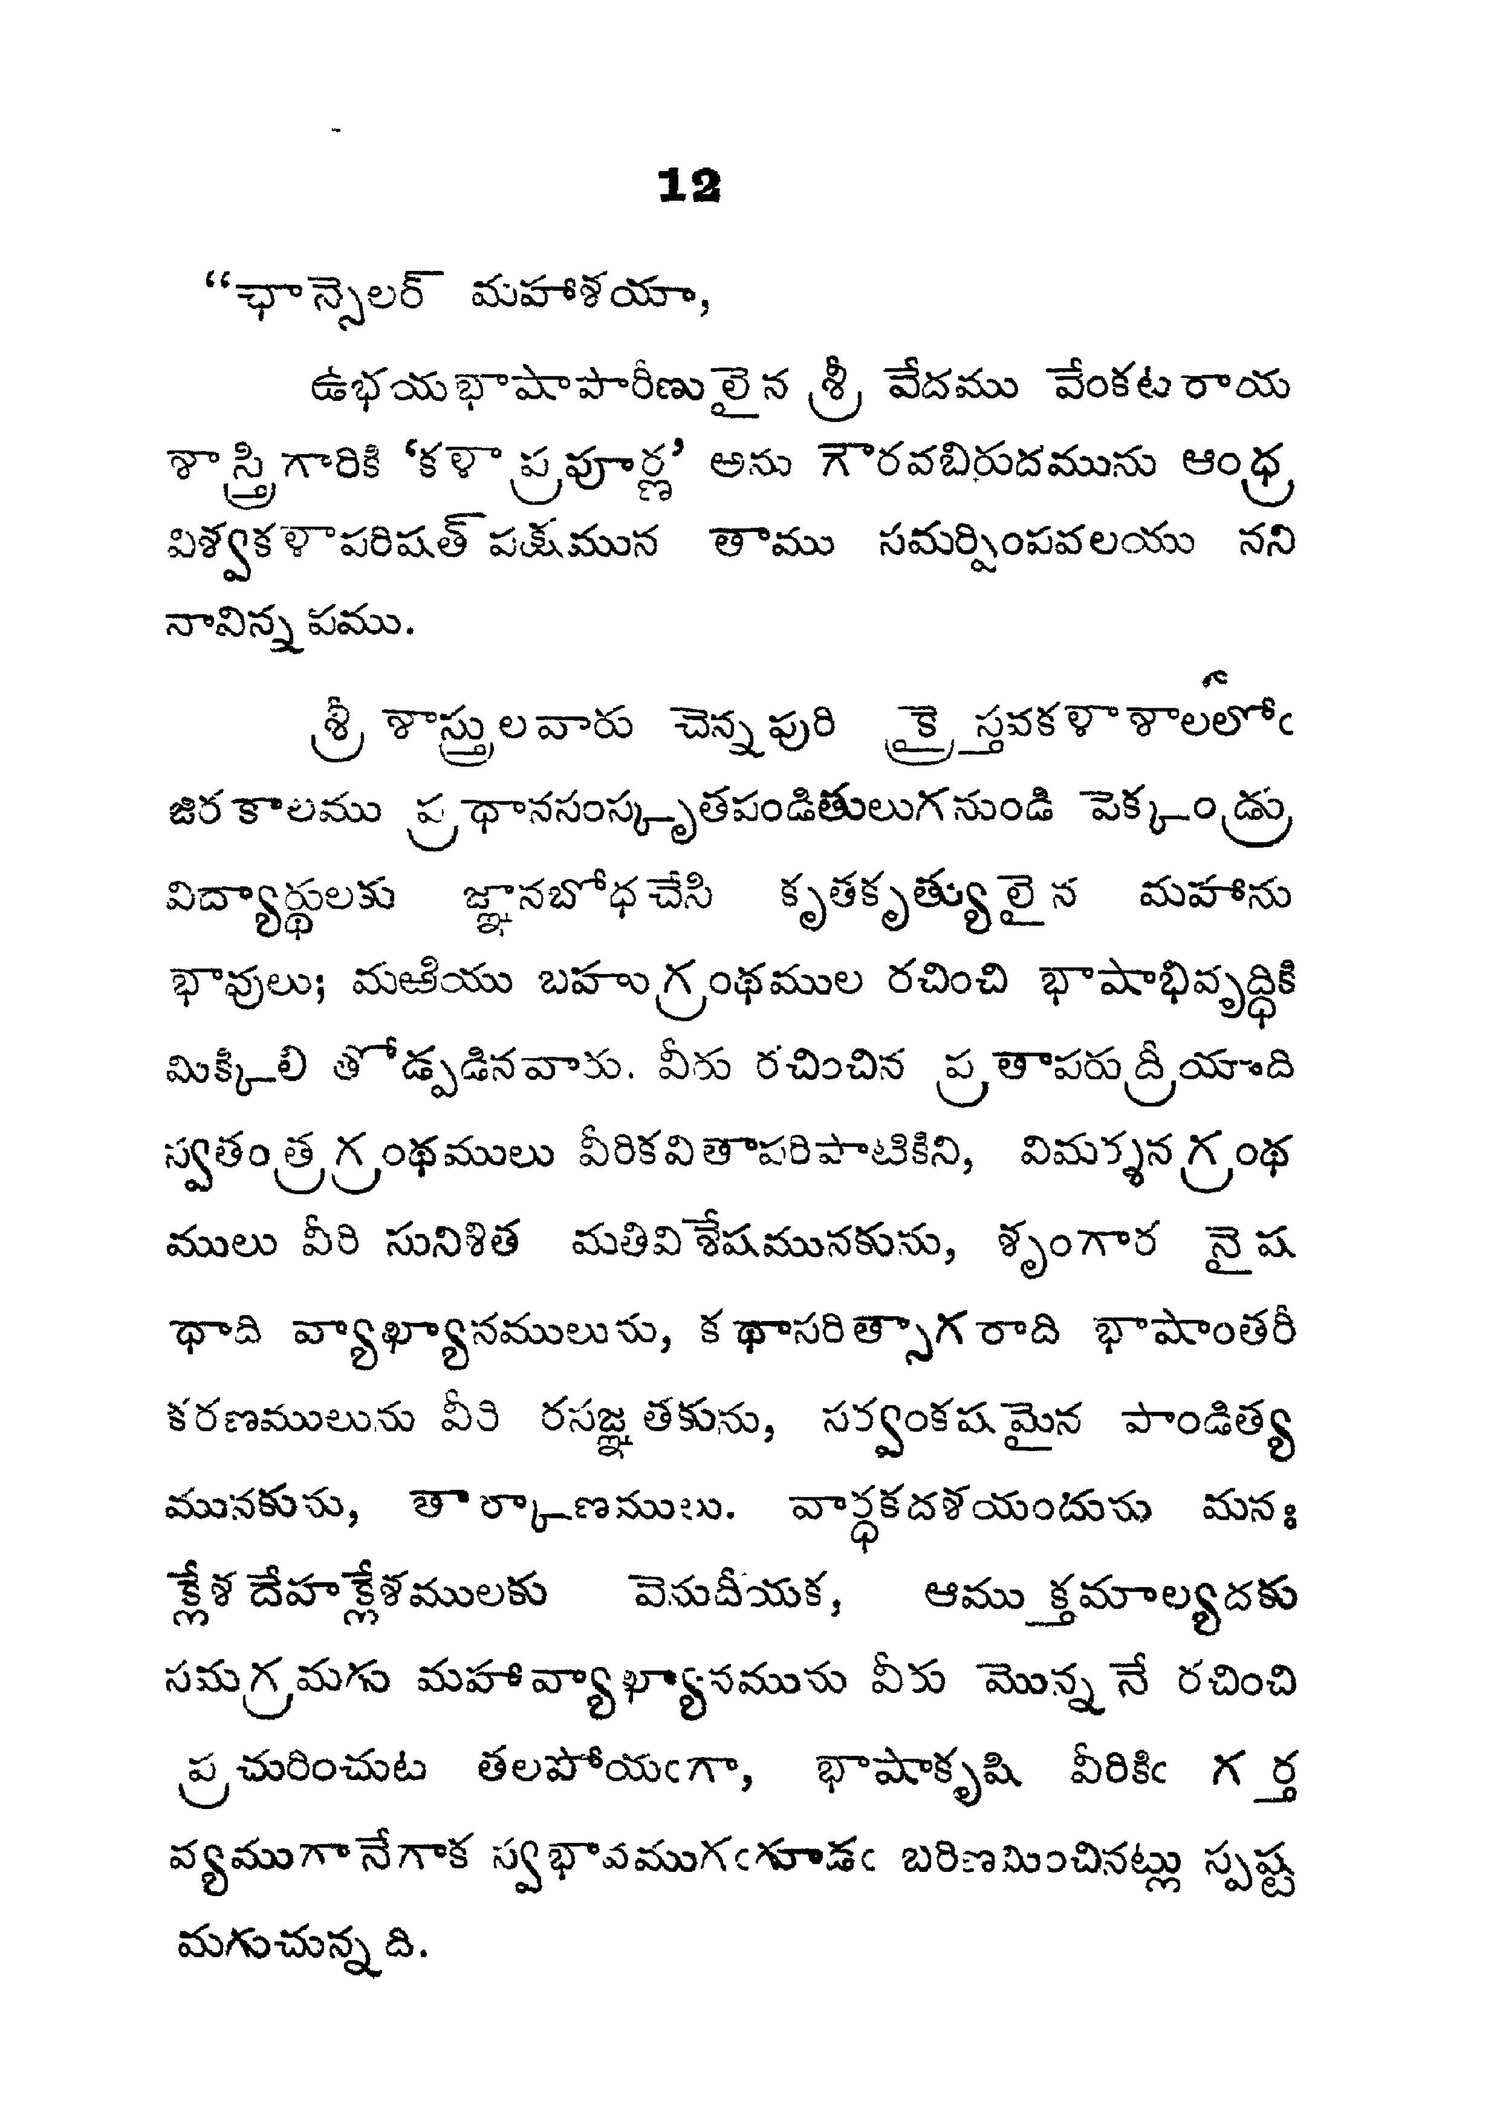"ఛాన్సెలర్ మహాశయా,

ఉభయభాషాపారీణులైన శ్రీ వేదము వేంకటరాయశాస్త్రి గారికి 'కళాప్రపూర్ణ^' అను గౌరవబిరుదమును ఆంధ్ర విశ్వకళాపరిషత్‌పక్షమున తాము సమర్పింపవలయు నని నావిన్నపము.

శ్రీ శాస్త్రులవారు చెన్నపురి క్రైస్తవకళాశాలలో జిరకాలము ప్రథానసంస్కృతపండితులుగనుండి పెక్కండ్రు విద్యార్థులకు జ్ఞానబోధచేసి కృతకృత్యులైన మహానుభావులు; మఱియు బహుగ్రంథముల రచించి భాషాభివృద్ధికి మిక్కిలి తోడ్పడినవారు. వీరు రచించిన ప్రతాపరుద్రీయాది స్వతంత్రగ్రంథములు వీరికవితాపరిపాటికిని, విమర్శనగ్రంథములు వీరి సునిశిత మతవిశేషమునకును, శృంగార నైషథాది వ్యాఖ్యానములును, కథాసరిత్సాగరాది భాషాంతరీ కరణములును వీరి రసజ్ఞతకును, సర్వంకషమైన పాండిత్యమునకును, తార్కాణములు. వార్ధకదశయందును మన:క్లేశ దేహక్లేశములకు వెనుదీయక, ఆముక్తమాల్యదకు సమగ్రమగు మహావ్యాఖ్యానమును వీరు మొన్ననే రచించి ప్రచురించుట తలపోయగా, భాషాకృషి వీరికి గర్తవ్యముగానేగాక స్వభావముగ గూడ బరిణమించినట్లు స్పష్టమగుచున్నది.